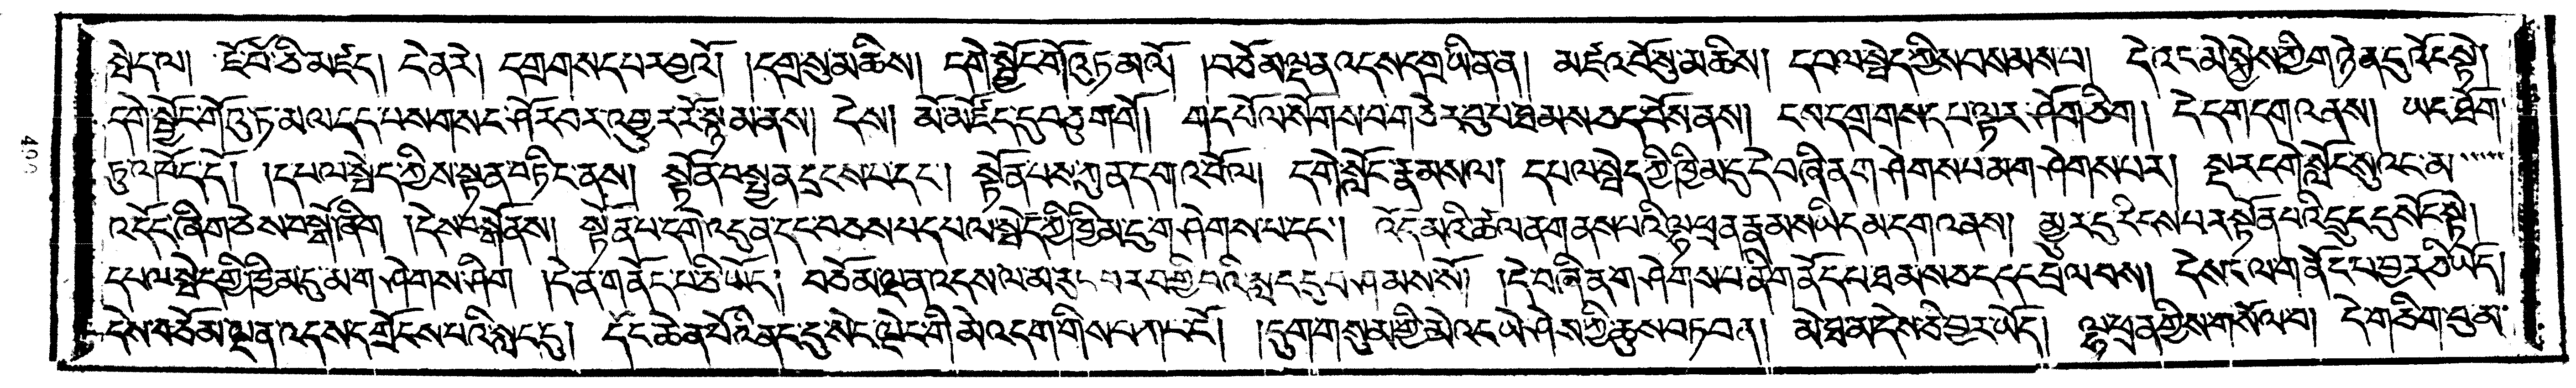སྤེད་ལ། ཇོ་བོ་ཅི་མཛད། དེ་ན་རེ། དགྲགས་དཔར་བྱའོ། །དགྲ་སུ་མཆིས། དགེ་སྦྱོང་གོའུ་ཏ་མའོ། །བཅོམ་ལྡན་འདས་དགྲ་ཡིན་ན། མཛའ་བོ་སུ་མཆིས། དཔལ་སྦེད་ཀྱིས་བསམས་པ། དེ་འང་མེ་སྐྱེས་ཀྱི་གཉེན་དུའོང་སྟེ།
དགེ་སྦྱོང་གོའུ་ཏ་མལ་དད་པས་གསང་ཤོར་བར་འགྱུར་རོ་སྙམ་ནས། དེས། མོ་མཛོད་དུ་བཅུག་གོ། གང་པོ་ལ་སོགས་བ་གཅེར་བུ་པ་ཐམས་ཅད་བོས་ནས། ངས་དགྲ་གསད་པ་ལྟར་ཤོག་ཅིག། དེ་དག་དགའ་ནས། ཡང་ཐོག་
ཏུ་འཁོད་དོ། །དཔལ་སྦེད་ཀྱིས་སྟན་བཏིང་ནས། སྟོན་བསྤྱན་དྲངས་པ་དང་། སྟོན་པས་ཀུན་དགའ་བོ་ལ། དགེ་སློང་རྣམས་ལ། དཔལ་སྦེད་ཀྱི་ཁྱིམ་དུ་དེ་བཞིན་གཤེགས་པ་མ་གཤེགས་པར། སྔར་དགེ་སློང་དུ་འང་མ་
འདོད་ཞིག་ཅེས་བསྒོ་ཞིག །དེས་བསྒོ་ནས། སྟོན་པ་དགེ་འདུན་དང་བཅས་པ་དཔལ་སྦེད་ཀྱི་ཁྱིམ་དུ་གཤེགས་པ་དང་། འོད་མའི་ཚལ་ན་གནས་པའི་ལྷ་ཕྲན་རྣམས་ཡིད་མ་དགའ་ནས། མྱུར་དུ་རིངས་པར་སྟོན་པའི་དྲུང་དུ་སོང་སྟེ།
དཔལ་སྦེད་གྱི་ཁྱིམ་དུ་མ་གཤེགས་ཤིག །དེ་ན་གནོད་པ་ཅི་ཡོད། བཅོམ་ལྡན་འདས་ལ་མ་རུང་བར་བགྱི་བའི་སླང་དུ་བཤམས་སོ། །དེ་བཞིན་གཤེགས་པ་ནི་གནོད་པ་ཐམས་ཅད་དང་བྲལ་བས། དེས་ང་ལ་གནོང་པ་བྱར་ཅི་ཡོད།
དེས་བཅོམ་ལྡན་འདས་དགྲོངས་པའི་སླད་དུ། དོང་ཆེན་པོའི་ནང་དུ་སེང་ལྡེང་གི་མེ་འདག་གིས་བཀང་ངོ། །དུག་གསུམ་གྱི་མེའང་ཡེ་ཤེས་ཀྱི་ཆུས་བཏབ་ན། མེ་ཐ་མ་དེས་ཅི་བྱར་ཡོད། ལྷ་ཕྲན་གྱིས་གསོལ་བ། དེ་གཅིག་བུ་མ་